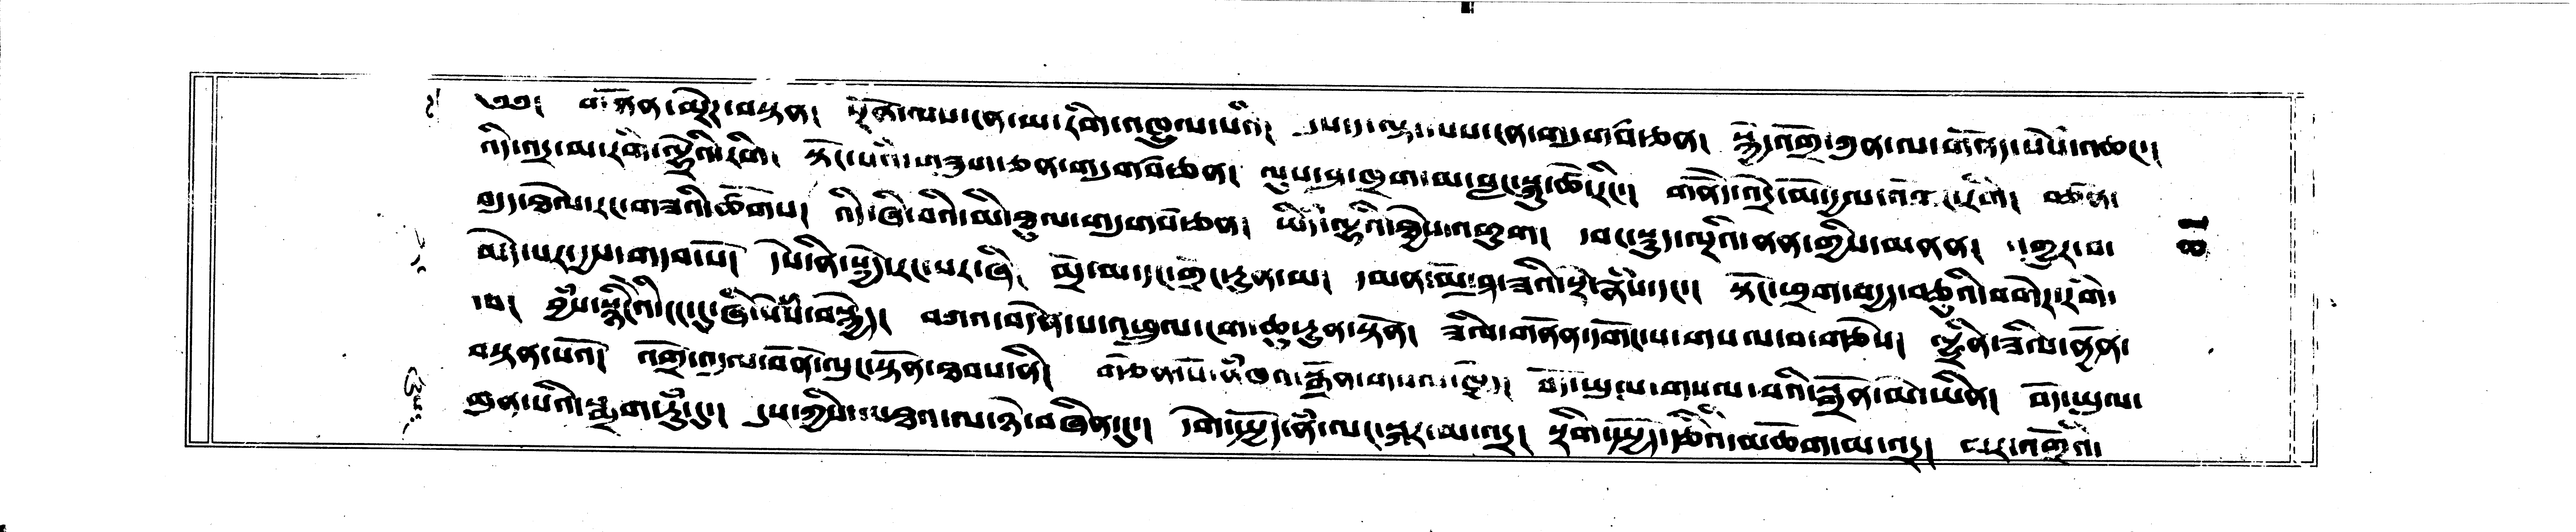མན་ངག་བསྟན། སྔོན་ལས་ངན་མ་རིག་འཁྲུལ་པའི། དུས་ད་ལྟ་ལས་ངན་གདུག་རྩུབ་ཅན། སྐྱེ་འགྲོ་ཀུན་ལ་གནོད་སེམས་འཆང་། 
འདི་འདྲ་མ་རིག་ལྷ་འདྲེའི་རིགས། སྟོང་པའི་གཟུགས་ཅན་གདུག་རྩུབ་ཅན། ལུས་ཤ་ཁྲག་མ་བླང་སྐུ་ཚེ་རིང་། གནོད་བྱེད་འདྲེ་མོ་རྒྱལ་འགོང་རིགས། བཙན་
བདུད་ཐེལ་རང་གཟའི་ཚོགས། འདི་ཞི་བའི་མི་ཐུལ་གདུག་རྩུབ་ཅན། ཡི་དམ་ལྷའི་ཐུགས་རྗེས་འགུག དབང་སྡུད་ལྔའི་ནན་གྱིས་མནན། འགྱུར་བ་
མེད་པའི་རྒྱས་གདབ་བོ། དེས་ནི་སྡེ་བརྒྱད་རང་སར་ཞི། མཁའ་འགྲོ་མ་དང་གྲོང་རྒྱུན་མ། དམན་མོ་ཤ་ཟའི་སྡེ་རྣམས་དང་། སྟོང་ཕྲག་བརྒྱད་ཅུའི་བགེགས་རིགས་
ལ། བྱམས་སྙིང་རྗེའི་ངང་དུ་ཞི་སེམས་བསྐྱེད། བཀའ་བདེན་པ་འཕྲུལ་ངག་ཆུ་རྒྱུན་སྟོན། ཟིལ་གནོན་དགོངས་པ་གསལ་བ་གཅེས། ལྷ་སྲིན་ཟིལ་གནོན་
བསྟན་པའོ། འགྲོ་འདུལ་བོན་ལུང་སྟོན་པ་ཐབས་ནི། གཅེན་པོ་ནམ་མཁའ་སྒྲོན་གསལ་ཁྱེད། བོད་ཡུལ་གསལ་བའི་སྒྲོན་མེ་ཡིན། བོད་ཡུལ་
མུན་པའི་སྨྲག་རུམ་དུ། དུས་ཀྱིས་མཐའ་ལ་ཉེ་བཞིན་དུ། དགེ་སྤྱོད་ནམ་ལང་སྐར་མ་འདྲ། སྡིག་སྤྱོད་རྩིའི་མཆོག་མ་འདྲ། མར་འགྲོའི་